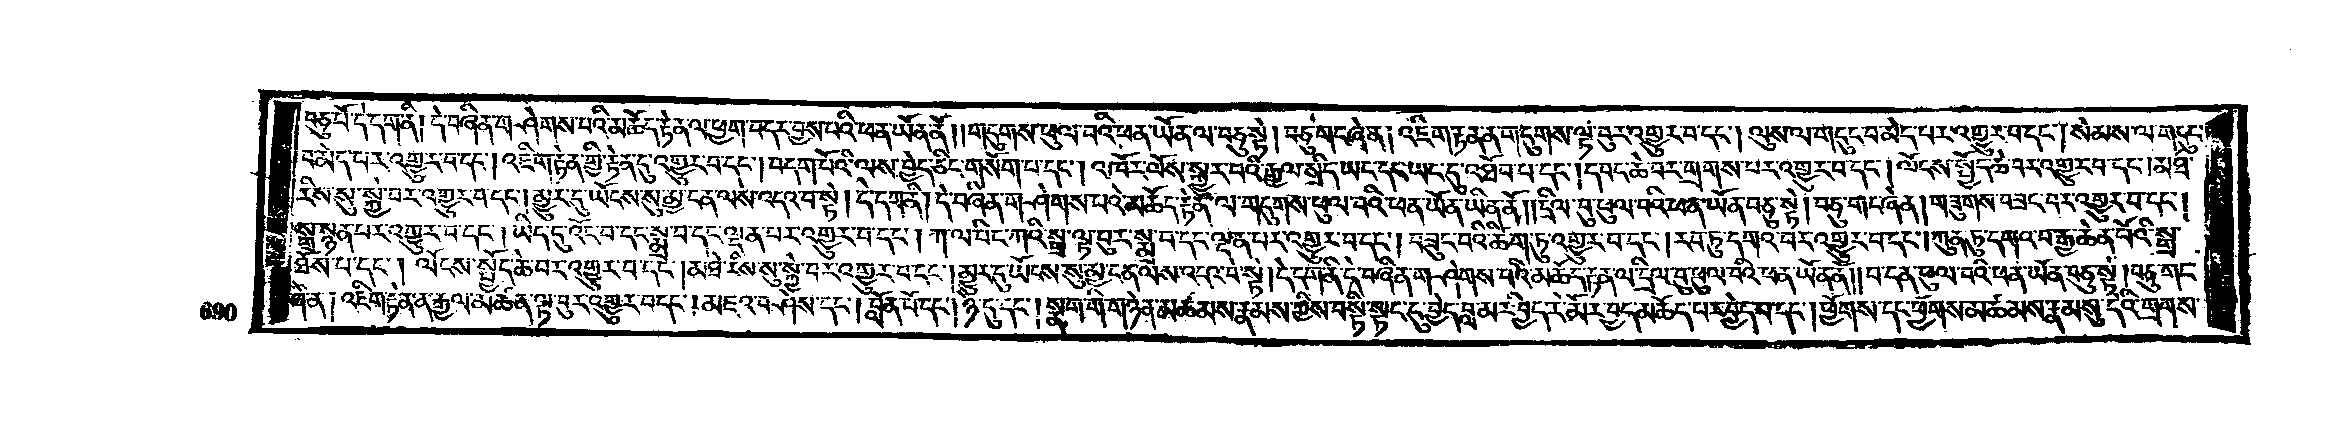བཅུ་པོ་དེ་དག་ནི། དེ་བཞིན་གཤེགས་པའི་མཆོད་རྟེན་ལ་ཕྱག་བདར་བྱས་པའི་ཕན་ཡོན་ནོ། །གདུགས་ཕུལ་བའི་ཕན་ཡོན་ལ་བཅུ་སྟེ། བཅུ་གང་ཞེ་ན། འཇིག་རྟེན་ན་གདུགས་ལྟ་བུར་འགྱུར་བ་དང་། ལུས་ལ་གདུང་བ་མེད་པར་འགྱུར་བ་དང་། སེམས་ལ་གདུང་
བ་མེད་པར་འགྱུར་བ་དང་། འཇིག་རྟེན་གྱི་རྟེན་དུ་འགྱུར་བ་དང་། བདག་པོའི་ལས་བྱེད་ཅིང་གསོག་པ་དང་། འཁོར་ལོས་སྒྱུར་བའི་རྒྱལ་སྲིད་ཡང་དང་ཡང་དུ་འཐོབ་པ་དང་། དབང་ཆེ་བར་གྲགས་པར་འགྱུར་བ་དང་། ལོངས་སྤྱོད་ཆེ་བར་འགྱུར་བ་དང་། མཐོ་
རིས་སུ་སྐྱེ་བར་འགྱུར་བ་དང་། མྱུར་དུ་ཡོངས་སུ་མྱ་ངན་ལས་འདའ་བ་སྟེ། དེ་དག་ནི། དེ་བཞིན་གཤེགས་པའི་མཆོད་རྟེན་ལ་གདུགས་ཕུལ་བའི་ཕན་ཡོན་ཡིན་ནོ། །དྲིལ་བུ་ཕུལ་བའི་ཕན་ཡོན་བཅུ་སྟེ། བཅུ་གང་ཞེ་ན། གཟུགས་བཟང་བར་འགྱུར་བ་དང་།
སྒྲ་སྙན་པར་འགྱུར་བ་དང་། ཡིད་དུ་འོང་བ་དང་སྨྲ་བ་དང་ལྡན་པར་འགྱུར་བ་དང་། ཀ་ལ་པིང་ཀའི་སྒྲ་ལྟ་བུར་སྨྲ་བ་དང་ལྡན་པར་འགྱུར་བ་དང་། བཟུང་བའི་ཚིག་ཏུ་འགྱུར་བ་དང་། རབ་ཏུ་དགའ་བར་འགྱུར་བ་དང་། ཀུན་ཏུ་དགའ་བ་རྒྱ་ཆེན་པོའི་སྒྲ་
ཐོས་པ་དང་། ལོངས་སྤྱོད་ཆེ་བར་འགྱུར་བ་དང་། མཐོ་རིས་སུ་སྐྱེ་བར་འགྱུར་བ་དང་། མྱུར་དུ་ཡོངས་སུ་མྱ་ངན་ལས་འདའ་བ་སྟེ། དེ་དག་ནི་དེ་བཞིན་གཤེགས་པའི་མཆོད་རྟན་ལ་དྲིལ་བུ་ཕུལ་བའི་ཕན་ཡོན་ནོ། །བ་དན་ཕུལ་བའི་ཕན་ཡོན་བཅུ་སྟེ། བཅུ་གང་
ཞེ་ན། འཇིག་རྟེན་ན་རྒྱལ་མཚན་ལྟ་བུར་འགྱུར་བ་དང་། མཇའ་བཤེས་དང་། བློན་པོ་དང་། ཉེ་དུ་དང་། སྣག་གི་གཉེན་མཚམས་རྣམས་ཀྱིས་བསྟི་སྟང་དུ་བྱེད་བླ་མར་བྱེད་རེ་མོར་བྱད་མཆོད་པར་བྱེད་པ་དང་། ཕྱོགས་དང་ཕྱོགས་མཚམས་རྣམས་སུ་དེའི་གྲགས་